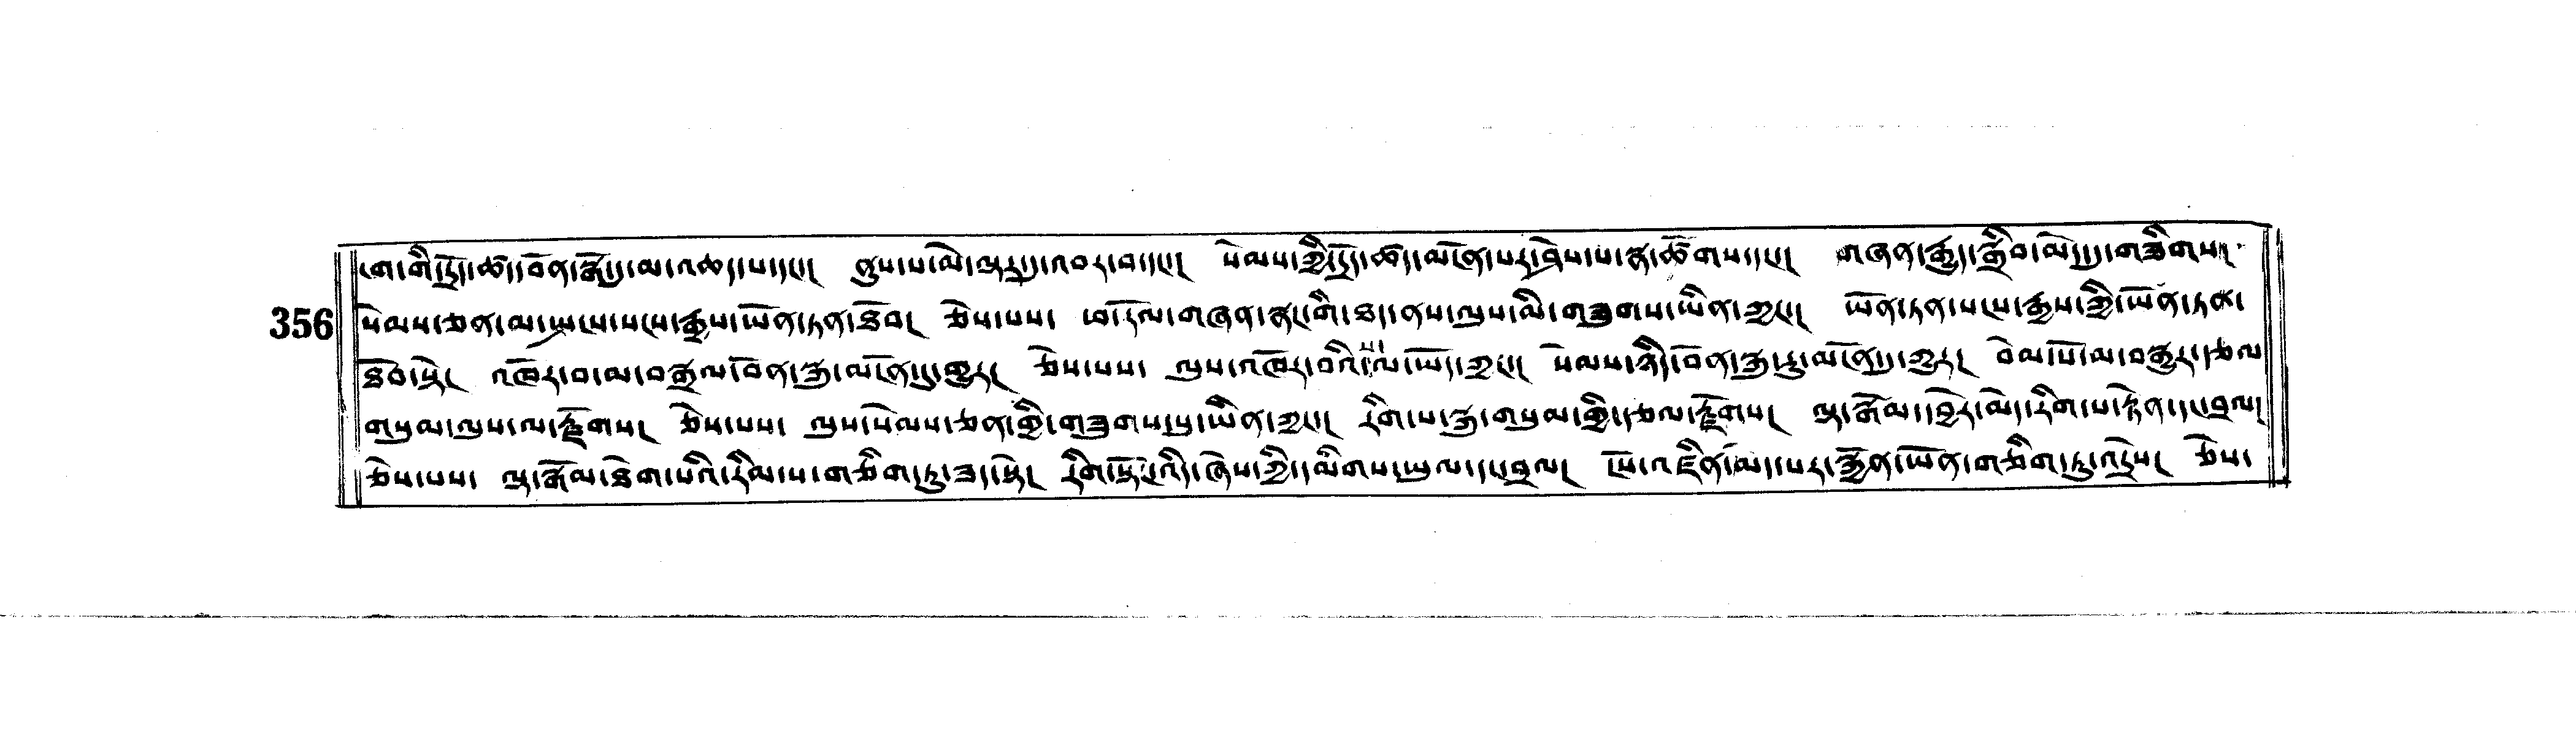ངག་གི་དྲོད་ཚད་བོན་སྒོ་དུ་མ་འཆད་པ་དང་། ནུས་པ་མེ་ལྟར་དུ་འབར་བ་དང་། སེམས་ཀྱི་དྲོད་ཚད་མངོན་པར་ཤེས་པ་སྣ་ཚོགས་དང་། གཞན་རྒྱུད་སྒྲིབ་མེད་དུ་གཟིགས། 
སེམས་ཅན་མ་སྤངས་སངས་རྒྱས་ཡོན་ཏན་ཐོབ། ཅེས་པས། ཕ་རོལ་གཞན་སྣང་གི་ཐད་ནས་ལུས་མི་གཟུགས་ཡིན་ཀྱང་། ཡོན་ཏན་སངས་རྒྱས་ཀྱི་ཡོིན་ཏན་
ཐོབ་སྟེ། འཁོར་བ་མ་བསྒྲལ་བོན་སྐུ་མངོན་དུ་གྱུར། ཅེས་པས། ལུས་འཁོར་བའི་ས་ལ་ཡོད་ཀྱང་སེམས་ཉིད་བོན་སྐུ་རུ་མངོན་དུ་གྱུར། བེམ་པོ་མ་བསྒྱུར་རྩལ་
གསུམ་ལུས་ལ་རྫོགས། ཅེས་པས། ལུས་སེམས་ཅན་གྱི་གཟུགས་སུ་ཡིན་ཀྱང་། རིག་པ་སྐུ་གསུམ་གྱི་རྩལ་རྫོགས། ལྟ་སྒོམ་དབྱེར་མེད་རིག་པ་རྟེན་དང་བྲལ། 
ཅེས་པས། ལྟ་སྒོམ་ཐེག་པའི་རིག་པ་གཅིག་ཏུ་ཟད་དེ། རིག་སྟོང་འདི་ཞེས་ཀྱི་དམིགས་ཡུལ་དང་བྲལ། ངོས་འཛིན་མེད་པར་སྐྱོན་ཡོན་གཅིག་ཏུ་འདྲེས། ཅེས་